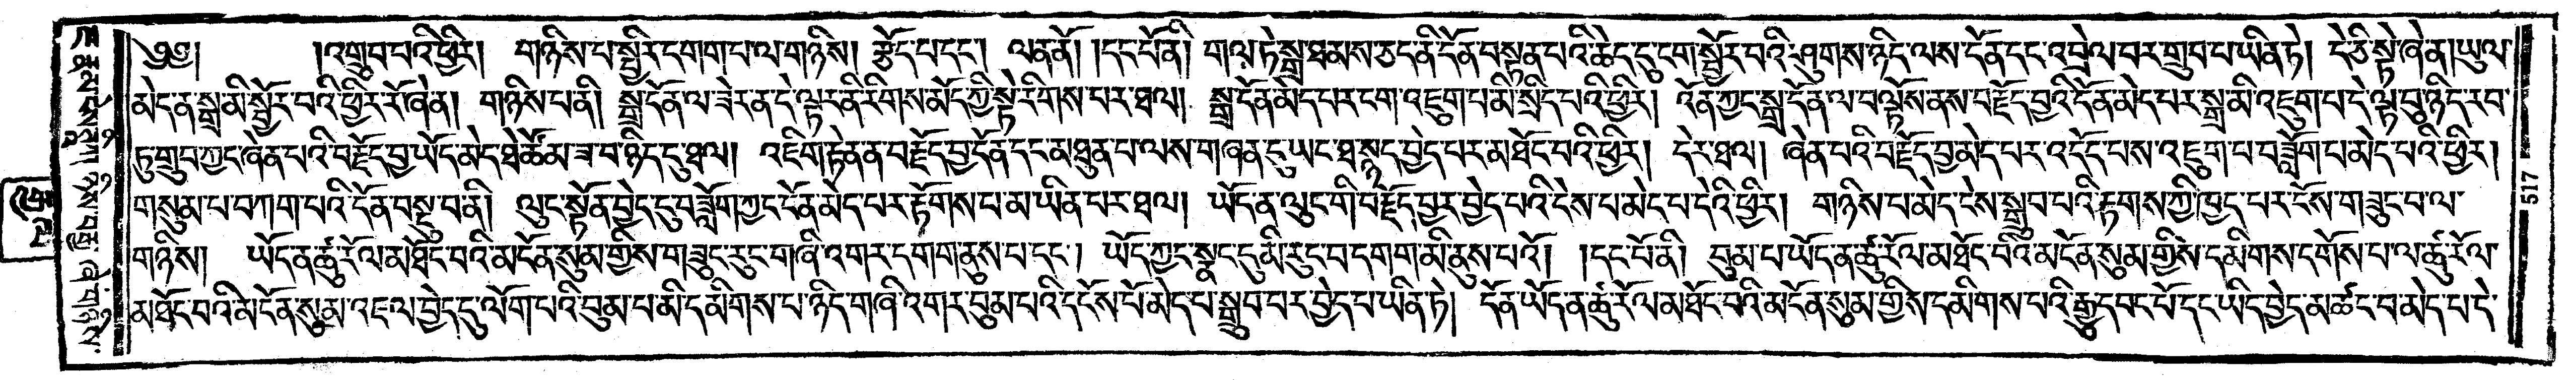༄༅། །འགྲུབ་པའི་ཕྱིར། གཉིས་པ་སྤྱིར་དགག་པ་ལ་གཉིས། རྩོད་པ་དང་། ལན་ནོ། །དང་པོ་ནི། གལ་ཏེ་སྒྲ་ཐམས་ཅད་ནི་དོན་བསྟན་པའི་ཆེད་དུ་ངག་སྦྱོར་བའི་ཤུགས་ཉིད་ལས་དོན་དང་འབྲེལ་བར་གྲུབ་པ་ཡིན་ཏེ། དེ་ཅི་སྟེ་ཞེ་ན། ཡུལ་
མེད་ན་སྒྲ་མི་སྦྱོར་བའི་ཕྱིར་རོ་ཞེ་ན། གཉིས་པ་ནི། སྒྲ་དོན་ལ་ཟེར་ན་དེ་ལྟར་ནི་རིགས་མོད་ཀྱི་སྟེ་རིགས་པར་ཐལ། སྒྲ་དོན་མེད་པར་ངག་འཇུག་པ་མི་སྲིད་པའི་ཕྱིར། འོན་ཀྱང་སྒྲ་དོན་ལ་བལྟོས་ནས་བརྗོད་བྱའི་དོན་མེད་པར་སྒྲ་མི་འཇུག་པ་དེ་ལྟ་བུ་ཉིད་རབ་
ཏུ་གྲུབ་ཀྱང་ཞེན་པའི་བརྗོད་བྱ་ཡོད་མེད་ཐེ་ཚོམ་ཟ་བ་ཉིད་དུ་ཐལ། འཇིག་རྟེན་ན་བརྗོད་བྱ་དོན་དང་མཐུན་པ་ལས་གཞན་དུ་ཡང་ཐ་སྙད་བྱེད་པར་མཐོང་བའི་ཕྱིར། དེར་ཐལ། ཞེན་པའི་བརྗོད་བྱ་མེད་པར་འདོད་པས་འཇུག་པ་བཟློག་པ་མེད་པའི་ཕྱིར།
གསུམ་པ་བཀག་པའི་དོན་བསྡུ་བ་ནི། ལུང་སྟོན་བྱེད་དུ་བཟློག་ཀྱང་དོན་མེད་པར་རྟོགས་པ་མ་ཡིན་པར་ཐལ། ཡོད་ན་ལུང་གི་བརྗོད་བྱར་བྱེད་པའི་ངེས་པ་མེད་པ་དེའི་ཕྱིར། གཉིས་པ་མེད་ངེས་སྒྲུབ་པའི་རྟགས་ཀྱི་ཁྱད་པར་ངོས་གཟུང་བ་ལ་
གཉིས། ཡོད་ན་ཚུ་རོལ་མཐོང་བའི་མངོན་སུམ་གྱིས་གཟུང་རུང་གཞི་འགར་དགག་ནུས་པ་དང་། ཡོད་ཀྱང་སྣང་དུ་མི་རུང་བ་དགག་མི་ནུས་པའོ། །དང་པོ་ནི། བུམ་པ་ཡོད་ན་ཚུ་རོལ་མཐོང་བའི་མངོན་སུམ་གྱིས་དམིགས་དགོས་པ་ལ་ཚུ་རོལ་
མཐོང་བའི་མངོན་སུམ་འཇལ་བྱེད་དུ་ལོག་པའི་བུམ་པ་མི་དམིགས་པ་ཉིད་གཞི་འགར་བུམ་པའི་དངོས་པོ་མེད་པ་སྒྲུབ་པར་བྱེད་པ་ཡིན་ཏེ། དོན་ཡོད་ན་ཚུ་རོལ་མཐོང་བའི་མངོན་སུམ་གྱིས་དམིགས་པའི་རྒྱུ་དབང་པོ་དང་ཡིད་བྱེད་མ་ཚང་བ་མེད་པ་དེ་